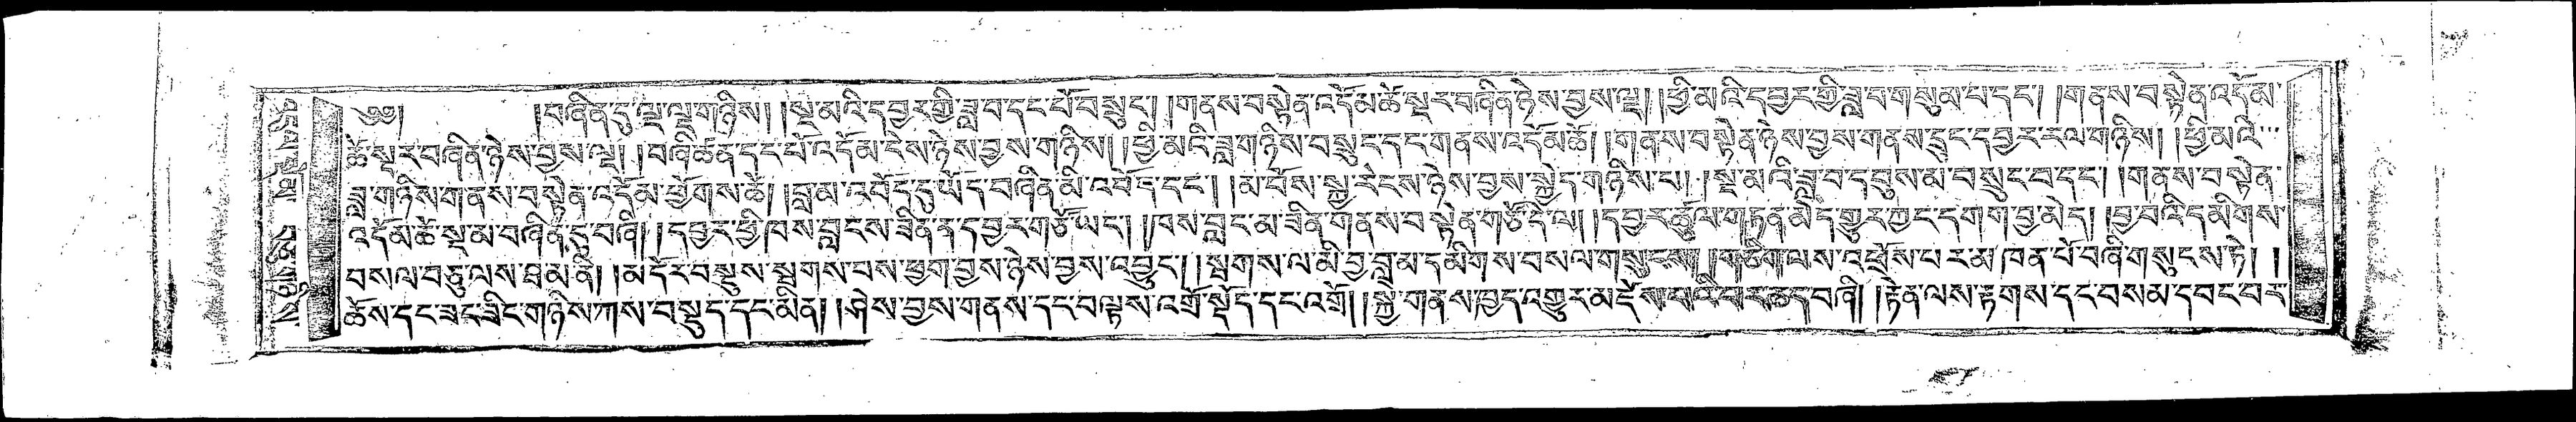༄༅། །བཞིན་དུ་ལྔ་ལྔ་གཉིས། །སྔ་མའི་དབྱར་གྱི་ཟླ་བ་དང་པོ་བསྲུང་། །གནས་བསྟེན་འདོམ་ཚེ་སྔར་བཞིན་ཉེས་བྱས་ལྔ། །ཕྱི་མའི་དབྱར་གྱི་ཟླ་བ་གསུམ་པ་དང་། །གནས་བསྟེན་འདོམ་
ཚེ་སྔར་བཞིན་ཉེས་བྱས་ལྔ། །བཞི་ཚན་དང་པོ་འདོམ་ངེས་ཉེས་བྱས་གཉིས། །ཕྱི་མའི་ཟླ་གཉིས་བསྲུང་དང་གནས་འདོམ་ཆོ། །གནས་བསྟེན་ཉེས་བྱས་གནས་དྲུང་དབྱར་རལ་གཉིས། །ཕྱི་མའི་
ཟླ་གཉིས་གནས་བསྟེན་འདོམ་ཕྱོགས་ཚེ། །བླ་མ་འབོད་དུ་ཡོད་བཞིན་མི་འབོད་དང་། །མ་བོས་སྐྱ་རེངས་ཉེས་བྱས་སྐྱེད་གཉིས་པ། །སྔ་མའི་ཟླ་བ་དབུས་མ་བསྲུང་བ་དང་། །གནས་བསྟེན་
འདོམ་ཚེ་སྔ་མ་བཞིན་དུ་བཞི། །དབྱར་ཕྱི་ཁས་བླངས་ཟིན་ན་དབྱར་གཙོ་ཡང་། །ཁས་བླང་མ་ཟིན་གནས་བསྟེན་གཙོ་དེ་ལ། །དབྱར་ཚུལ་གཏན་མེད་གྱུར་ཀྱང་དགག་བྱ་མེད། །བྱ་བའི་དམིགས་
བསལ་བཅུ་ལས་ཐ་མ་ནི། །མདོར་བསྡུས་སྤགས་པས་ཕྱག་བྱས་ཉེས་བྱས་འབྱུང་། །སྤགས་ལ་མི་བྱ་བླ་མ་དམིགས་བསལ་གསུངས། །གཅིག་ལས་འཕྲོས་པར་མཁན་པོ་བཞི་གསུངས་ཏེ། །
ཆོས་དང་ཟང་ཟིང་གཉིས་ཀས་བསྡུད་དང་མིན། །ཤེས་བྱས་གནས་དང་བལྟས་འགྲོ་སྡོད་དང་འགྲོ། །སྐྱེ་གནས་ཁྱད་འགྱུར་མཛེས་པའི་པར་ཆད་བཞི། །རྟེན་ལས་རྟགས་དང་བསམ་དབང་བར་